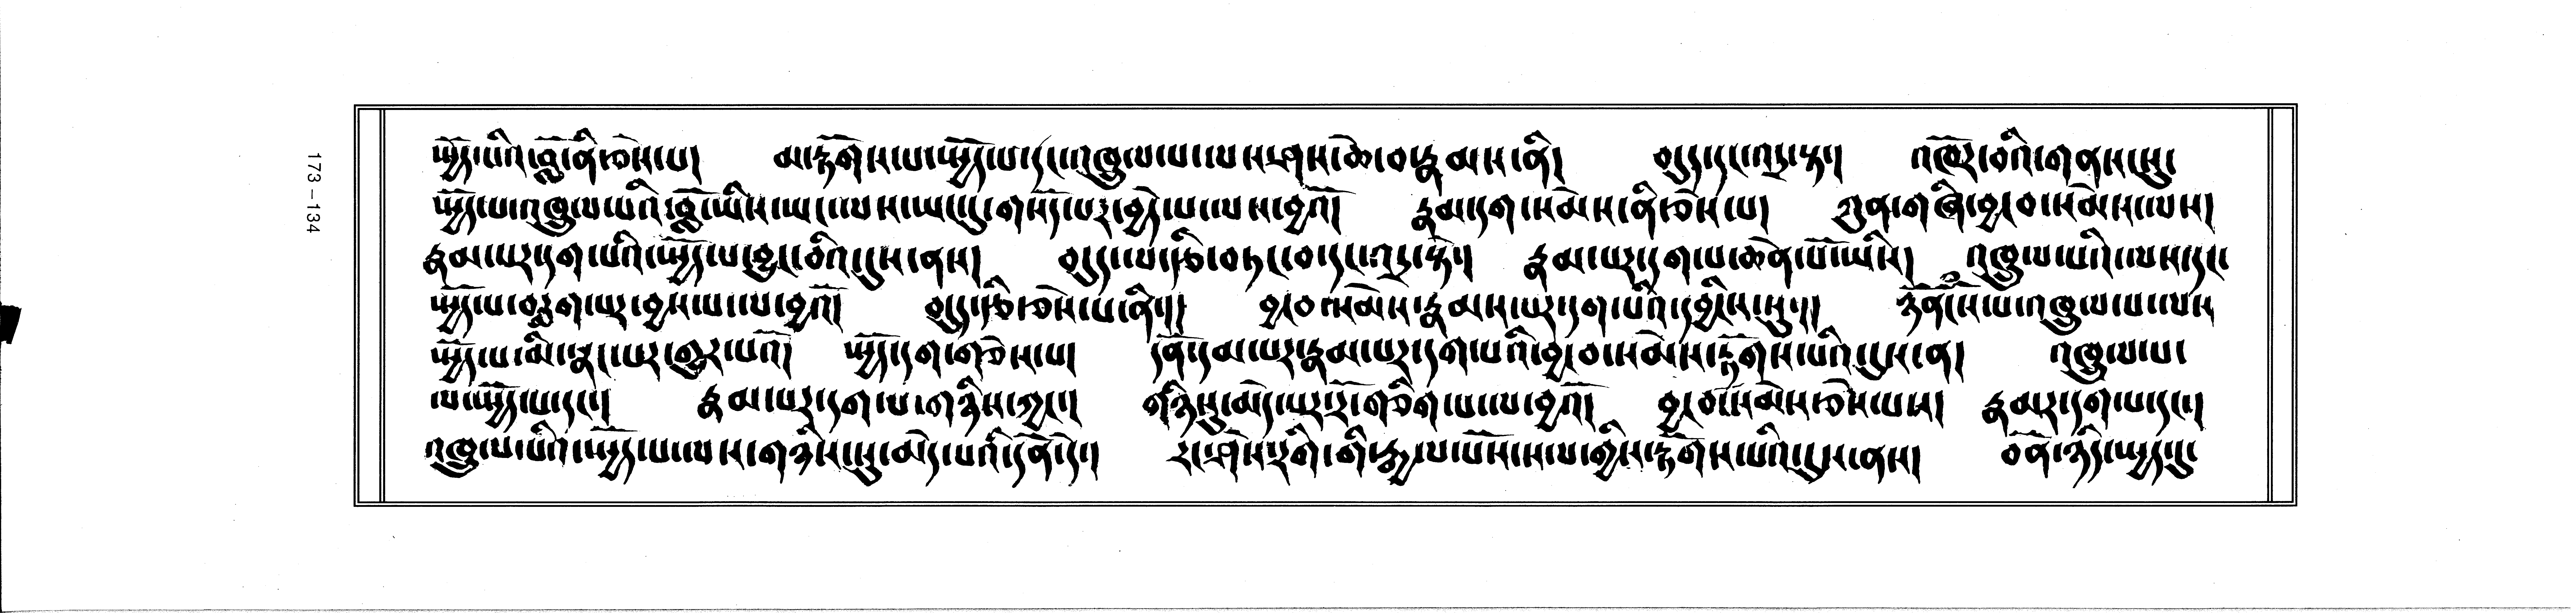སྤྱོད་པའི་བློ་ནི་ཅེས་པས། མ་རྟོགས་པ་སྤྱོད་འཁྲུལ་པ་ཤས་ཆེ་བ་རྣམས་ནི། བདུད་དང་འདྲ་སྟེ། འཁོར་བའི་གནས་སུ་
སྤྱོད་པ་འཁྲུལ་པའི་བློ་ཡིས་ཡང་ལས་ཡང་དུ་གསོད་པར་བྱེད་པ་ལ་བྱའོ། །རྣམ་དག་སེམས་ནི་ཅེས་པ། ཀུན་གཞི་བྱང་ཆུབ་སེམས་ལས། 
རྣམ་པར་དག་པའི་སྤྱོད་པ་བྱུང་བའི་དུས་ན། བདུད་ལ་རྩི་བཏང་བ་དང་འདྲ་སྟེ། རྣམ་པར་དག་པ་ཆེན་པོ་ཡིས། འཁྲུལ་པའི་ལས་དང་
སྤྱོད་པ་བརླག་པར་བྱས་པ་ལ་བྱའོ། །བདུད་རྩི་ཅེས་པ་ནི། བྱང་ཆུབ་སེམས་རྣམ་པར་དག་པའི་དབྱིངས་སུ་ཉོན་མོངས་པ་འཁྲུལ་པ་ལས་
སྤྱོད་པ་མི་སྣང་བར་གྱུར་པའོ། །སྤྱོད་དག་ཅེས་པ། དོན་དམ་རྣམ་པར་དག་པའི་བྱང་ཆུབ་སེམས་རྟོགས་པའི་དུས་ན། འཁྲུལ་པ་
ལ་སྤྱོད་པ་དང་། རྣམ་པར་དག་པ་གཉིས་ཀྱང་གཉིས་སུ་མེད་པ་རོ་གཅིག་པ་ལ་བྱའོ། །བྱང་ཆུབ་སེམས་ཅེས་པ། རྣམ་པར་དག་པ་དང་
འཁྲུལ་པའི་སྤྱོད་པ་ལས་གཉིས་སུ་མེད་པའི་དོན་དེ། རང་ཤེས་རིག་གི་རྒྱལ་པོས་སལ་གྱིས་རྟོགས་པའི་དུས་ན། བོན་ཉིད་སྤྱད་དུ་